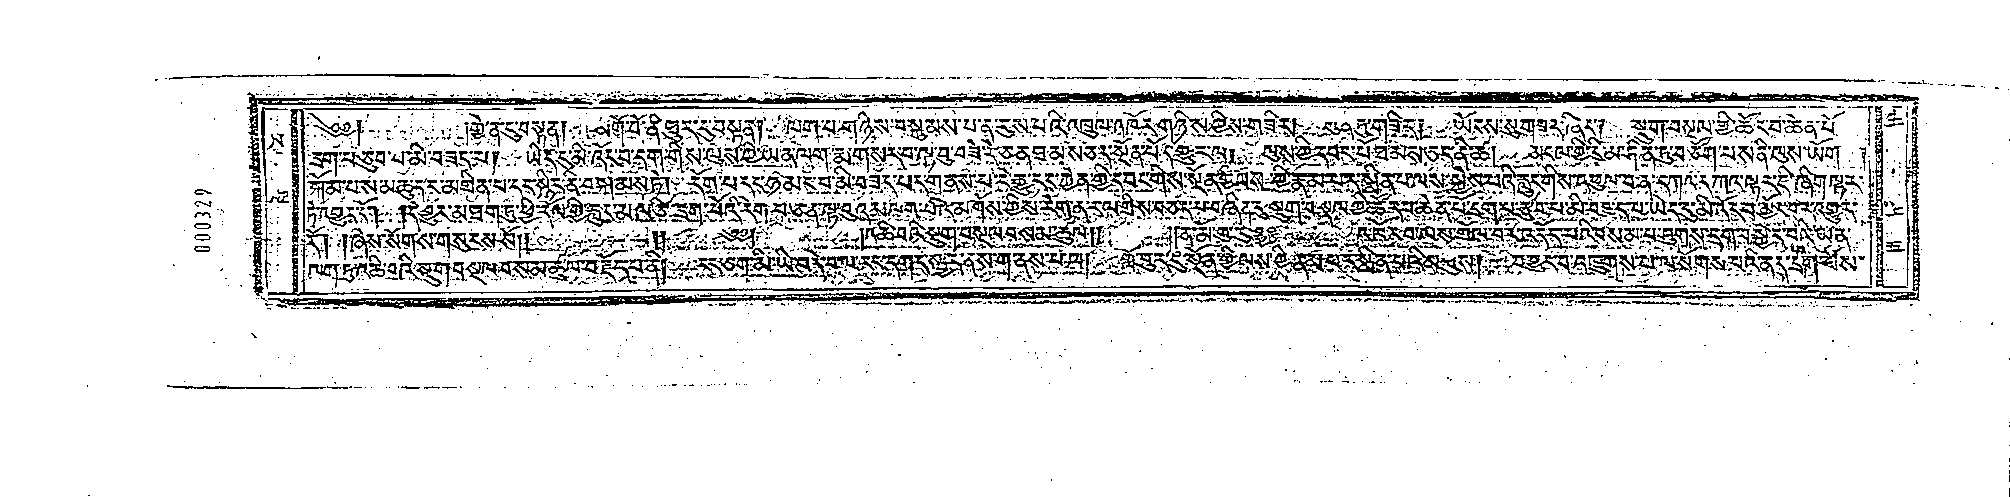༄༅། །གྱེན་དུ་བསྟན། མགོ་བོ་ནི་ཐུར་དུ་བསྟན། ལག་པ་གཉིས་བསྐུམས་པ་ན་རུས་པའི་འཁྲུལ་འཁོར་གཉིས་ཀྱིས་གཟིར། ཀུན་ཏུ་གཟིར། ཡོངས་སུ་གཟིར་ཞིང་། སྡུག་བསྔལ་གྱི་ཚོར་བ་ཆེན་པོ་
དྲག་བཅུབ་པ་མི་བཟད་པ། ཡིད་དུ་མི་འོང་བ་དག་གིས་ལུས་ཀྱི་ཡན་ལག་རྨ་གསད་བ་ལྟ་བུ་བཟེ་རེ་ཅན་ཐམས་ཅད་སྔོན་པོར་གྱུར་ལ། ལུས་ཀྱི་དབང་པོ་ཐམས་ཅད་ནི་ཚ། མངལ་གྱི་དྲི་མ་ཤིན་ཏུ་བཙོག་པས་ནི་ལུས་ཡོག །
སྐོམ་པས་མཆུ་དང་མགྲིན་པ་དང་སྙིང་ནི་བསྐམས་ཏེ། དོག་པ་དང་ཉམ་ང་བ་མི་བཟད་པར་གནས་པ་དེ་རྒྱུ་དང་རྐྱེན་གྱི་དབང་གིས་སྔོན་གྱི་ལས་ཀྱི་རྣམ་པར་སྨིན་པ་ལས་སྐྱེས་པའི་རླུང་གིས་འཕུལ་བན་དཀའ་དཀའ་ལྟར་ཇི་ཞིག་ལྟར་
ཏེ་འབྱུང་ངོ། །དེ་བྱུང་མ་ཐག་ཏུ་ཕྱི་རོལ་གྱི་རླུང་མལ་ཙི་དྲག་པོའི་རེག་པ་ཅན་ལྟ་བུའམ་ལག་པའི་མགོས་ཀྱིས་རེག་ན་རལ་གྲིས་བཅད་པ་བཞིན་དུ་སྡུག་བསྔལ་གྱི་ཚོར་པ་ཆེན་པོ་དྲག་པ་རྩུབ་པ་མི་བཟད་པ་ཡིད་དུ་མི་འོང་བ་མྱོང་བར་འགྱུར་
རོ། །ཞེས་སོགས་གསུངས་སོ།། །། ༄༅། །འཆི་བའི་སྡུག་བསྔལ་བསམ་ཚུལ།། །།ན་མོ་གུ་རུ་བྷྱཿ་འཁོར་བ་ལས་གྲོལ་བར་འདོད་པའི་བསམ་པ་ཤུགས་དྲག་བསྐྱེད་བའི་ཡན་
ལག་ཏུ་འཆི་བའི་སྡུག་བསྔལ་བསམ་ཚུལ་བརྗོད་པ་ནི། རང་ཅག་མི་ཡི་བདེ་བ་ལ་རང་དགར་སྤྱད་ནས་གནས་པ་ལ། གློ་བུར་དུ་སྔོན་གྱི་ལས་ཀྱི་རྣམ་པར་སྨིན་པའི་མཐུས། འབྱུང་བ་འཁྲུགས་པ་ལ་སོགས་པའི་ནད་དྲག་པོས་